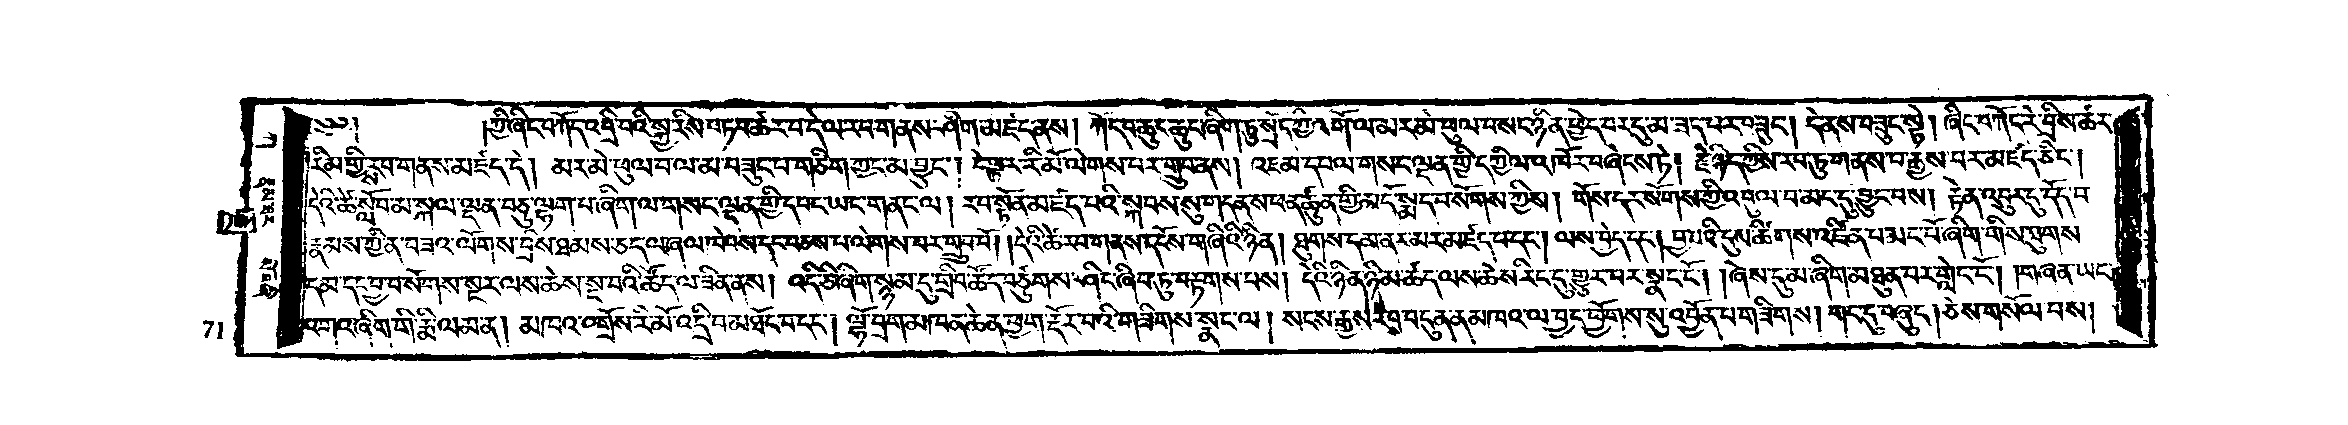༄༅། །ཀྱི་ཞིང་བཀོད་འབྲི་བའི་སྐྱ་རིས་བཏབ་ཚར་བ་དེ་ལ་རབ་གནས་ཤིག་མཛད་ནས། ཀོད་བ་ཆུང་ཆུང་ཞིག་ཏུ་སྲོད་ཀྱི་འགོ་ལ་མར་མེ་ཕུལ་བ་སང་ཉིན་ཕྱེད་བར་དུ་མ་ཟད་པར་བཟུང་། དེ་ནས་བཟུང་སྟེ། ཞིང་བཀོད་རེ་བྲིས་ཚར་
རིམ་གྱིས་རབ་གནས་མཛད་དེ། མར་མེ་ཕུལ་བ་ལ་མ་བཟུང་པ་གཅིག་ཀྱང་མ་བྱུང་། དེ་ལྟར་རི་མོ་ལེགས་པར་གྲུབ་ནས། འཇམ་དཔལ་གསང་ལྡན་གྱི་དཀྱིལ་འཁོར་བཞེངས་ཏེ། རྗེ་ཉིད་ཀྱིས་རབ་ཏུ་གནས་པ་རྒྱས་པར་མཛད་ཅིང་།
དེའི་ཚེ་སློབ་མ་སྐལ་ལྡན་བཅུ་ལྷག་པ་ཞིག་ལ་གསང་ལྡན་གྱི་དབང་ཡང་གནང་ལ། རབ་སྟོན་མཛད་པའི་སྐབས་སུ་གདན་ས་ཕན་ཚུན་གྱི་མདོ་སྨད་པ་སོགས་ཀྱིས། གོས་དར་སོགས་ཀྱི་འབུལ་བ་མང་དུ་བྱུང་བས། རྟེན་འབུར་དུ་དོད་པ་
རྣམས་ཀྱི་ན་བཟའ་ལོགས་བྲིས་ཐམས་ཅད་ལ་ཞལ་ཁེབས་དང་བཅས་པ་ལེགས་པར་གྲུབ་བོ། །དེའི་ཚེ་རབ་གནས་དངོས་གཞིའི་ཉིན། ཐུགས་དམ་ནར་མར་མཛད་པ་དང་། ལས་བྱེད་དང་། བྱ་བའི་དུས་ཚིགས་འཛིན་པ་མང་པོ་ཞིག་གིས་ཐུགས་
དམ་དང་བྱ་བ་སོགས་སྔར་ལས་ཆེས་སྔ་བའི་ཚོད་ལ་ཟིན་ནས། འདི་ཅི་ཞིག་སྙམ་དུ་གྲིབ་ཚོད་བཙུགས་ཤིང་ཞིབ་ཏུ་བརྟགས་པས། དེའི་ཉིན་ཉི་མ་ཚད་ལས་ཆེས་རིང་དུ་གྱུར་པར་སྣང་ངོ། །ཞེས་དུ་མ་ཞིག་མཐུན་པར་གླེང་ངོ། །གཞན་ཡང་
འགའ་ཞིག་གི་རྨི་ལམ་ན། མཁའ་འགྲོས་རི་མོ་འདྲི་བ་མཐོང་བ་དང་། ལྷོ་བྲག་མཁན་ཆེན་ཕྱག་རྡོར་བའི་གཟིགས་སྣང་ལ། སངས་རྒྱས་རབས་བདུན་ནམ་མཁའ་ལ་བྱང་ཕྱོགས་སུ་འབྱོན་པ་གཟིགས། གང་དུ་བཞུང་། ཅེས་གསོལ་པས།